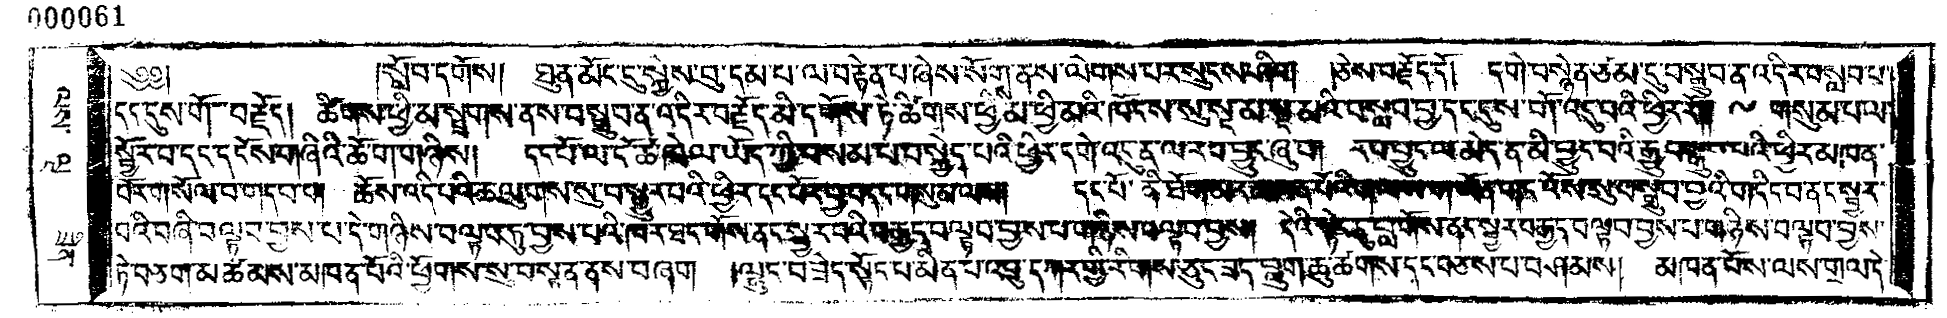༄༅། །སློབ་དགོས། ཐུན་མོང་དུ་སྐྱེས་བུ་དམ་པ་ལ་བརྟེན་པ་ཞེས་སོགས་ནས་ལེགས་པར་སྲུངས་ཤིག །ཅེས་བརྗོད་དོ། དགེ་བསྙེན་ཙམ་དུ་བསྒྲུབ་ན་འདིར་བསླབ་པ་
དང་དུས་གོ་བརྗོད། ཚིགས་ཕྱི་མ་སྤྲགས་ནས་བསྒྲུབ་ན་འདིར་བརྗོད་མི་དགོས་ཏེ་ཚིགས་ཕྱི་མ་ཕྱི་མའི་ཁོངས་སུ་སྔ་མ་སྔ་མའི་བསླབ་བྱ་དང་དུས་གོ་འདུ་བའི་ཕྱིར་རོ།། ༧་གསུམ་པ་ལ་
སྦྱོར་བ་དང་དངོས་གཞིའི་ཆོ་ག་གཉིས། དང་པོ་ལ་ངོ་ཚ་ཁྲེལ་ཡོད་ཀྱི་བསམ་པ་བསྐྱེད་པའི་ཕྱིར་དགེ་འདུན་ལ་རབ་བྱུང་ཞུ་བ། རབ་བྱུང་ལ་མེད་ན་མི་བྱུང་བའི་རྒྱུ་བསྒྲུབ་པའི་ཕྱིར་མཁན་
བོར་གསོལ་བ་གདབ་པ། ཆོས་འདི་པའི་ཆ་ལུགས་སུ་བསྒྱུར་བའི་ཕྱིར་དང་པོར་བྱ་བ་དང་གསུམ་ལས། དང་པོ་ནི་ཐོག་མར་མཁན་པོའི་གཡས་གཡོན་གང་འོས་སུ་བསྒྲུབ་བྱའི་གདིང་བ་ནང་སྦྱར་
བའི་བཞི་བལྟབ་བྱས་པ་དེ་གཉིས་བལྟབ་ཏུ་བྱས་པའི་ཁར་ཐང་གོས་ནང་སྦྱར་བའི་བརྒྱད་བལྟབ་བྱས་པ་གཉིས་བལྟབ་བྱས། དེའི་སྟེང་དུ་བླ་གོས་ནང་སྦྱར་བརྒྱད་བལྟབ་བྱས་པ་གཉིས་བལྟབ་བྱས་
ཏེ་བཅག་མཚམས་མཁན་པོའི་ཕྱོགས་སུ་བསྟན་ནས་བཞག །ལྷུང་བཟེད་སྟོང་པ་མིན་པ་འབྲུ་དཀར་གྱི་རིགས་ཅུང་ཟད་བླུག་ཆུ་ཚགས་དང་བཅས་པ་བཤམས། མཁན་པོས་ལས་གྲལ་དེ་